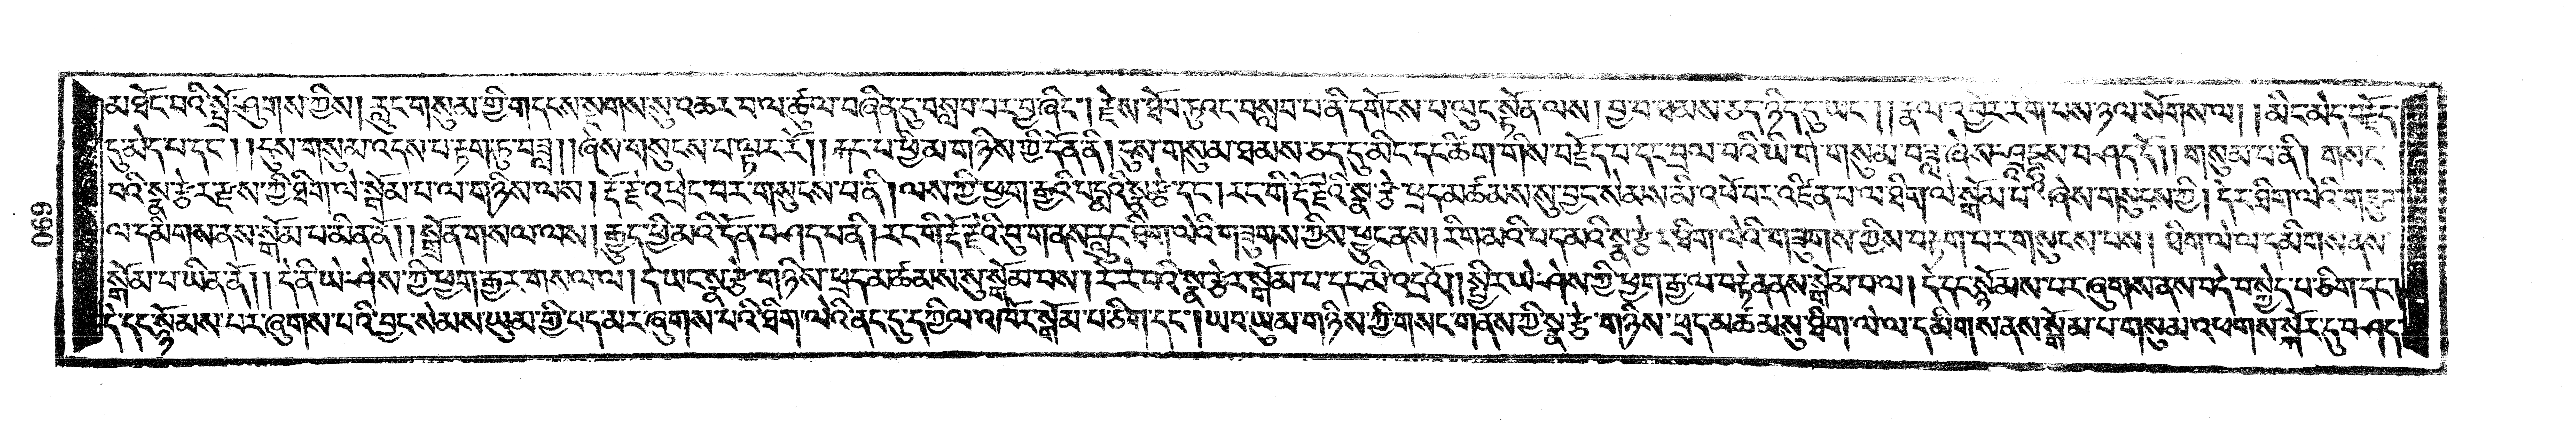མཐོང་བའི་སྤྲོ་ཤུགས་ཀྱིས། རླུང་གསུམ་གྱི་གདངས་སྔགས་སུ་འཆར་བ་ལ་ཚུལ་བཞིན་དུ་བསླབ་པར་བྱ་ཞིང་། རྗེས་ཐོབ་ཏུའང་བསླབ་པ་ནི་དགོངས་པ་ལུང་སྟོན་ལས། བྱ་བ་ཐམས་ཅད་ཉིད་དུ་ཡང་། །རྣལ་འབྱོར་རིག་པས་ཉལ་སོགས་ལ། །མིང་མེད་བརྗོད་
དུ་མེད་པ་དང་། །དུས་གསུམ་འདས་པ་རྟག་ཏུ་བཟླ། །ཞེས་གསུངས་པ་ལྟར་རོ། །རྐང་པ་ཕྱི་མ་གཉིས་ཀྱི་དོན་ནི། དུས་གསུམ་ཐམས་ཅད་དུ་མིང་དང་ཚིག་གིས་བརྗོད་པ་དང་བྲལ་བའི་ཡི་གེ་གསུམ་བཟླ་ཞེས་ཤྲཱདྡྷཱས་བཤད་དོ། །གསུམ་པ་ནི། གསང་
བའི་སྣ་རྩེར་རྫས་ཀྱི་ཐིག་ལེ་སྒོམ་པ་ལ་གཉིས་ལས། རྡོ་རྗེ་འཕྲེང་བར་གསུངས་པ་ནི། ལས་ཀྱི་ཕྱག་རྒྱའི་པདམའི་སྣ་རྩེ་དང་། རང་གི་རྡོ་རྗེའི་སྣ་རྩེ་ཕྲད་མཚམས་སུ་བྱང་སེམས་མི་འཕོ་བར་འཛིན་པ་ལ་ཐིག་ལེ་སྒོམ་པ་ཞེས་གསུངས་ཀྱི། དེར་ཐིག་ལེའི་གཟུགས་
ལ་དམིགས་ནས་སྒོམ་པ་མིན་ནོ། །སྒྲོན་གསལ་ལས། རྒྱུད་ཕྱི་མའི་དོན་བཤད་པ་ནི། རང་གི་རྡོ་རྗེའི་བུ་གནས་རླུང་ཐིག་ལེའི་གཟུགས་ཀྱིས་ཕྱུང་ནས། རིག་མའི་པད་མའི་སྣ་རྩེར་ཐིག་ལེའི་གཟུགས་ཀྱིས་བརྟག་པར་གསུངས་པས། ཐིག་ལེ་ལ་དམིགས་ནས་
སྒོམ་པ་ཡིན་ནོ། །དེ་ནི་ཡེ་ཤེས་ཀྱི་ཕྱག་རྒྱར་གསལ་ལ། དེ་ཡང་སྣ་རྩེ་གཉིས་ཕྲད་མཚམས་སུ་སྒོམ་པས། རེ་རེ་བའི་སྣ་རྩེར་སྒོམ་པ་དང་མི་འདྲའོ། །སྤྱིར་ཡེ་ཤེས་ཀྱི་ཕྱག་རྒྱ་ལ་བརྟེན་ནས་སྒོམ་པ་ལ། དེ་དང་སྙོམས་པར་ཞུགས་ནས་བདེ་བ་སྐྱེད་པ་ཅིག་དང་།
དེ་དང་སྙོམས་པར་ཞུགས་པའི་བྱང་སེམས་ཡུལ་གྱི་པད་མར་ཞུགས་པའི་ཐིག་ལེའི་ནང་དུ་དཀྱིལ་འཁོར་སྒོམ་པ་ཅིག་དང་། ཡབ་ཡུམ་གཉིས་ཀྱི་གསང་གནས་ཀྱི་སྣ་རྩེ་གཉིས་ཕྲད་མཚམས་སུ་ཐིག་ལེ་ལ་དམིགས་ནས་སྒོམ་པ་གསུམ་འཕགས་སྐོར་དུ་བཤད་